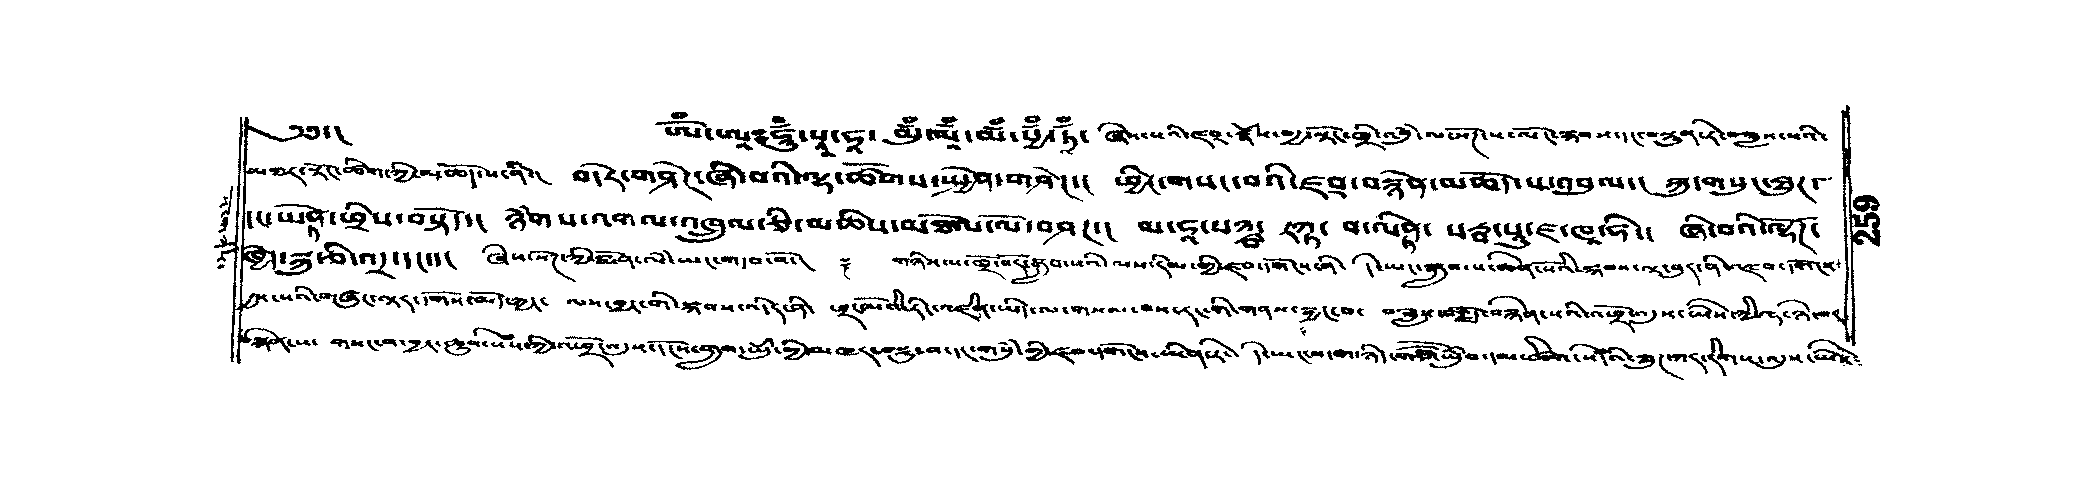ཨོཾ་ཨཱཿཧཱུྃ་སྭཱ་ཧཱ། མུྃ་ལཱྃ་མྃ་པྱྃ་ཏཱྃ། ཞེས་པའི་འཛབ་རྣམས་བརྒྱ་སྟོང་ཁྲི་འབུམ་ས་སོགས་པ་ལོང་སྐབས་དང་བསྟུན་ཏེ་བཟླས་པའི་
མཐར་སྟོང་ཚིག་གི་མཆོད་པ་ནི། བདེར་གཤེགས་ཞི་བའི་ལྷ་ཚོགས་སྤྱན་འདྲེན་གཤེགས། །ཕྱི་ནང་གསང་བའི་འཛབ་བསྙེན་མཆོད་པ་འབུལ། །སྐུ་གསུང་ཐུགས་
དང་ཡོན་ཏན་ཕྲིནལས་བསྟོད། །ཉམས་ཆགས་འགལ་འཁྲུལ་ཅི་མཆིས་མཐོལ་ལོ་བཤགས། །མ་ཧཱ་པཉྩ་རཀྟ་བ་ལིནྟ་སརྦ་པཱུ་ཛ་ཁཱ་ཧི། ཞི་བའི་ལྷ་ཚོགས་
ཁྱེད་སྐུ་ཅི་འདྲ་དང་། ཞེས་སོགས་ཀྱི་སྨོན་ལམ་ཡང་གདབ་བོ། ༈ གཉིས་པ་ཁྲོ་བོར་སྒྲུབ་པའི་ལས་རིམ་གྱི་འཛབ་དགོངས་ནི། དེ་ཡང་སྒྲུབ་པ་ཆེན་པོའི་སྐབས་ལྟ་བུར་ནི་འཛབ་དགོངས་
རྒྱས་པའི་གཞུང་ལྟར་དགོས་མོད་ཀྱང་། ལས་བྱང་གི་སྐབས་འདིར་ནི། ཕྲ་མོའི་ཏིང་འཛིན་ཡིད་ལ་གསལ་བས་རང་གི་གནས་སྦྱང་བ། བཟླས་བརྗོད་བསྙེན་པའི་འཕྲོས་འདུས་ཡེ་ཤེས་ཀྱི་ལྷ་ཉེ་བར་
བསྙེན་པ། གསང་བ་བྱང་ཆུབ་སེམས་ཀྱི་འཕྲོ་འདུས་དངོས་གྲུབ་ཡུམ་གྱི་མཁར་བསྡུ་བ་དང་གསུམ་གྱི་འཛབ་དགོངས་ཡིན་ཏེ། དེ་ཡང་བདག་ཉིད་གཙོ་བོ་ཡབ་ཡུམ་དམ་ཚིག་སེམས་དཔའི་ཐུགས་ཀར་རིགས་འདུས་ཡེ་ཤེས་